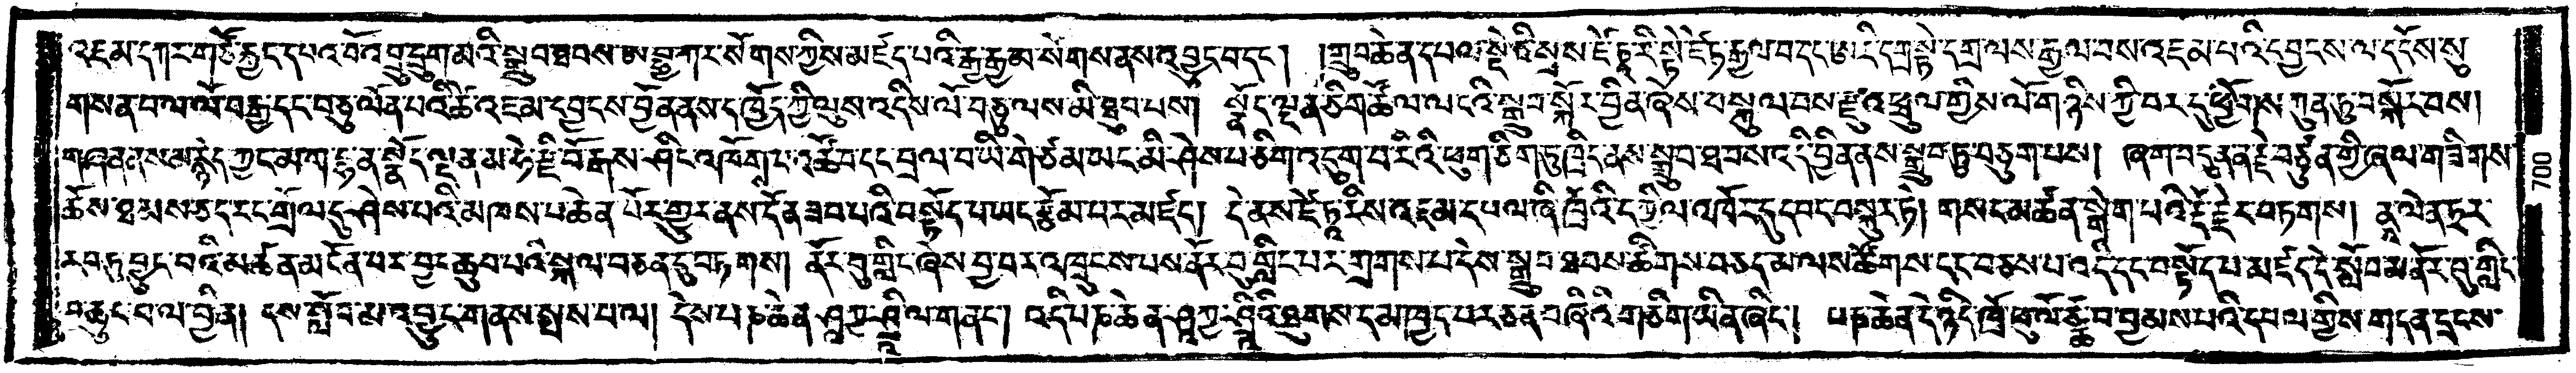འཇམ་དཀར་གཙོ་རྐྱང་དཔའ་བོ་འབྲུ་དྲུག་མའི་སྒྲུབ་ཐབས་ཨ་བྷྱ་ཀར་སོགས་ཀྱིས་མཛད་པའི་རྒྱ་རྒྱམ་སོགས་ནས་འབྱུང་བ་དང་། །གྲུབ་ཆེན་དཔལ་སྡེའི་སྲས་རྫེ་ཏཱ་རི་སྟེ་ཛེ་ཏ་རྒྱལ་བ་དང་ཨ་རི་དགྲ་སྟེ་དགྲ་ལས་རྒྱལ་བས་འཇམ་པའི་དབྱངས་ལ་དངོས་སུ་
གསན་པ་ལ་ལོ་བརྒྱ་དང་བཅུ་ལོན་པའི་ཚེ་འཇམ་དབྱངས་བྱོན་ནས་དྑྱོད་ཀྱི་ལུས་འདིས་ལོ་བཅུ་ལས་མི་ཐུབ་པས། སྣོད་ལྡན་ཅིག་ཚོལ་ལྔའི་སྒྲུབ་སྐོར་བྱིན་ཞེས་བསྐུལ་བས་རྫུ་འཕྲུལ་གྱིས་ལོ་གཉིས་ཀྱི་བར་དུ་ཕྱོགས་ཀུན་ཏུ་བསྐོར་བས།
གཞན་ནས་མ་རྙེད་ཀྱང་མ་གདྷ་ན་སྣོད་ལྡན་མ་ཧེ་རྫི་བོ་རྒས་ཤིང་འཁོགས་པ་འཚོ་བ་དང་བྲལ་བ་ཡི་གེ་ཙམ་ཡང་མི་ཤེས་པ་ཅིག་འདུག་པ་རིའི་ཕུ་གཅིག་ཏུ་ཁྲིད་ནས་སྒྲུབ་ཐབས་འདི་བྱིན་ནས་སྒྲུབ་ཏུ་བཅུག་པས། ཞག་བདུན་ན་རྗེ་བཙུན་གྱི་ཞལ་གཟིགས་
ཆོས་ཐམས་ཅད་རང་གྲོལ་དུ་ཤེས་པའི་མཁས་པ་ཆེན་པོར་གྱུར་ནས་དོན་ཟབ་པའི་བསྟོད་པ་ཡང་རྩོམ་པར་མཛད། དེ་ནས་རྫེ་ཏཱ་རིས་འཇམ་དཔལ་ཞི་ཁྲོའི་དཀྱིལ་འཁོར་དུ་དབང་བསྐུར་ཏེ། གསང་མཚན་སྒེག་པའི་རྡོར་རྗེར་བཏགས། ནཱ་ལེན་ཏྲར་
རབ་ཏུ་བྱུང་བའི་མཚན་མངོན་པར་བྱང་ཆུབ་པའི་སྐལ་པ་ཅན་དུ་བཏགས། ནོར་བུ་གླིང་ཞེས་བྱ་བར་འཁྲུངས་པས་ནོར་བུ་གླིང་པར་གྲགས་པ་དེས་སྒྲུབ་ཐབས་ཚིགས་བཅད་མ་ལས་ཚོགས་དང་བཅས་པ་འདི་དང་བསྟོད་པ་མཛད་དེ་སློབ་མནོར་བུ་ཀླིང་
བ་ཆུང་བ་ལ་བྱིན། དེས་སློབ་མ་འབྱུང་གནས་སྤས་པ་ལ། དེས་པཎ་ཆེན་ཤཱཀྱ་ཤྲཱི་ལ་གནང་། འདི་པཎ་ཆེན་ཤཱཀྱ་ཤྲཱིའི་ཐུགས་དམ་ཁྱད་པར་ཅན་བཞིའི་གཅིག་ཡིན་ཞིང་། པཎ་ཆེན་དེ་ཉིད་ཁྲི་ཕུལ་ལོ་ཙཚ་བ་བྱམས་པའི་དཔལ་གྱིས་གདན་དྲངས།